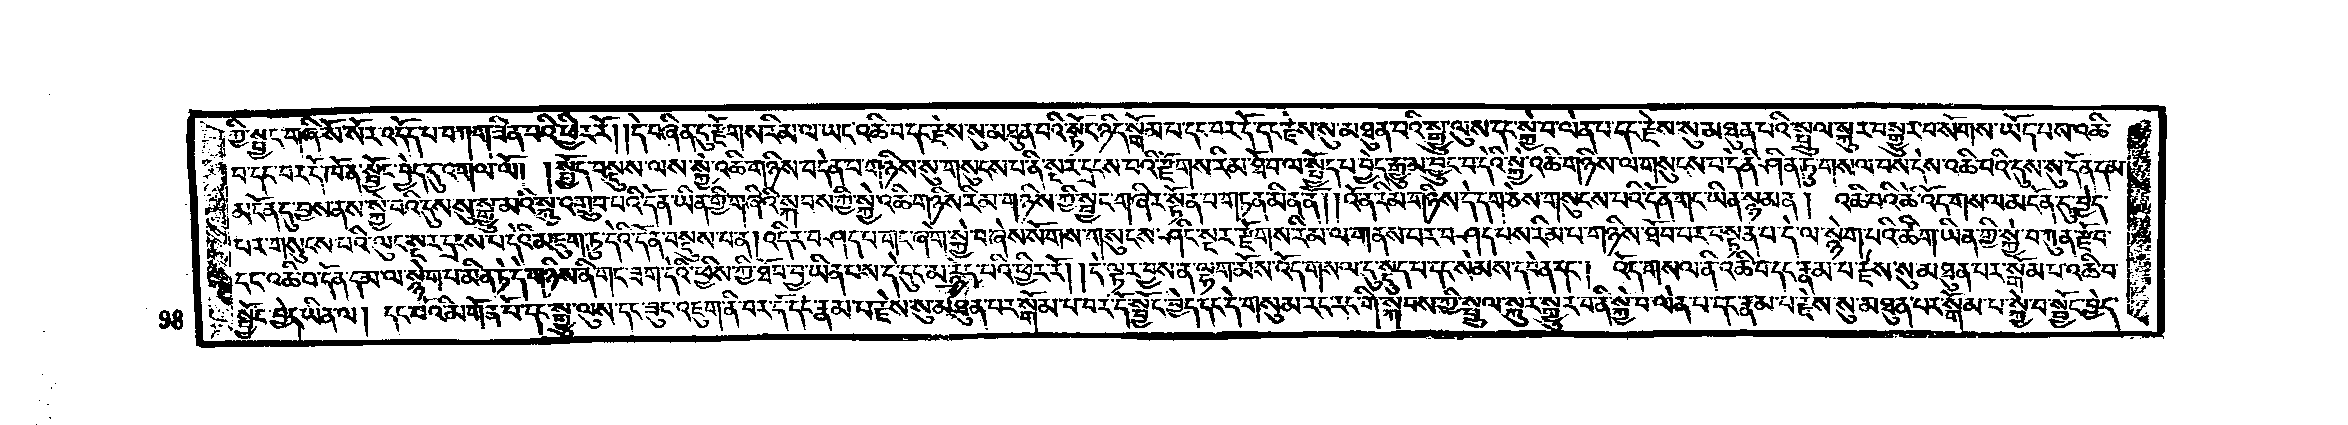ཀྱི་སྦྱང་གཞི་སོ་སོར་འདོད་པ་བཀག་ཟིན་པའི་ཕྱིར་རོ། །དེ་བཞིན་དུ་རྫོགས་རིམ་ལ་ཡང་འཆི་བ་དང་རྗེས་སུ་མཐུན་པའི་སྟོང་ཉིད་སྒོམ་པ་དང་བར་དོ་དང་རྗེས་སུ་མཐུན་པའི་སྒྱུ་ལུས་དང་སྐྱེ་བ་ལེན་པ་དང་རྗེས་སུ་མཐུན་པའི་སྤྲུལ་སྐུར་བསྒྱུར་བ་སོགས་ཡོད་པས་འཆི་
བ་དང་བར་དོ་ཁོ་ན་སྦྱོང་བྱེད་དུ་འགལ་ལོ། །སྤྱོད་བསྡུས་ལས་སྐྱེ་འཆི་གཉིས་བདེན་པ་གཉིས་སུ་གསུངས་པ་ནི་སྔར་དྲངས་པའི་རྫོགས་རིམ་ཐོབ་ལ་སྤྱོད་པ་བྱེད་རྒྱུ་མ་བྱུང་བ་དེའི་སྐྱེ་འཆི་གཉིས་ལ་གསུངས་པ་དེ་ནི་ཤིན་ཏུ་གསལ་བས་དེས་འཆི་བའི་དུས་སུ་དོན་དམ་
མངོན་དུ་བྱས་ནས་སྐྱེ་བའི་དུས་སུ་སྒྱུ་མའི་སྐུ་འགྲུབ་པའི་དོན་ཡིན་གྱི་གཞིའི་སྐབས་ཀྱི་སྐྱེ་འཆི་གཉིས་རིམ་གཉིས་ཀྱི་སྦྱང་གཞིར་སྟོན་པ་གཏན་མིན་ནོ། །འོ་ན་རིམ་གཉིས་དེ་དག་ཅེས་གསུངས་པའི་དོན་གང་ཡིན་སྙམ་ན། འཆི་བའི་ཚེ་འོད་གསལ་མངོན་དུ་བྱེད་
པར་གསུངས་པའི་ལུང་སྔར་དྲངས་པ་དེའི་མཇུག་ཏུ་དེའི་དོན་བསྡུས་པ་ན། འདིར་བཤད་པ་གང་ཞིག་སྐྱེ་བ་ཞེས་སོགས་གསུངས་ཤིང་སྔར་རྫོགས་རིམ་ལ་གནས་པར་བཤད་པས་རིམ་པ་གཉིས་ཐོབ་པར་བསྟན་པ་དེ་ལ་སྙེག་པའི་ཚིག་ཡིན་གྱི་སྐྱེ་བ་ཀུན་རྫོབ་
དང་འཆི་བ་དོན་དམ་ལ་སྙེག་པ་མིན་ཏེ་དེ་གཉིས་ནི་གང་ཟག་དེའི་ཕྱིས་ཀྱི་ཐོབ་བྱ་ཡིན་པས་ད་དུང་མ་རྙེད་པའི་ཕྱིར་རོ། །དེ་ལྟར་བྱས་ན་ལྷག་མོས་འོད་གསལ་དུ་སྡུད་པ་དང་སེམས་དབེན་དང་། འོད་གསལ་ནི་འཆི་བ་དང་རྣམ་པ་རྗེས་སུ་མཐུན་པར་སྒོམ་པ་འཆི་བ་
སྦྱོང་བྱེད་ཡིན་ལ། དང་པོའི་མགོན་པོ་དང་སྒྱུ་ལུས་དང་ཟུང་འཇུག་ནི་བར་དོ་དང་རྣམ་པ་རྗེས་སུ་མཐུན་པར་སྒོམ་པ་བར་དོ་སྦྱོང་བྱེད་དང་དེ་གསུམ་རང་རང་གི་སྐབས་ཀྱི་སྤྲུལ་སྐུར་སྒྱུར་བ་ནི་སྐྱེ་བ་ལེན་པ་དང་རྣམ་པ་རྗེས་སུ་མཐུན་པར་སྒོམ་པ་སྐྱེ་བ་སྦྱོང་བྱེད་